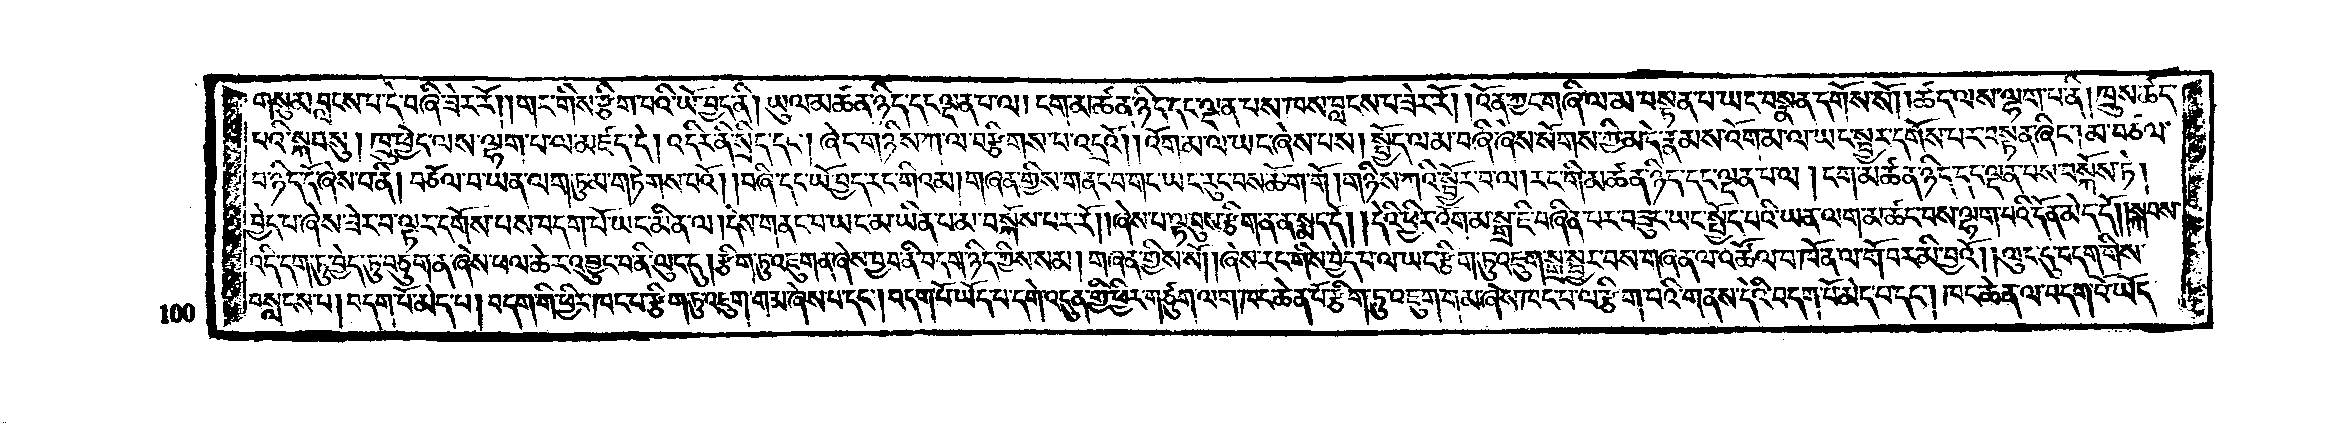གསུམ་བླངས་པ་དེ་བཞི་ཟེར་རོ། །གང་གིས་རྩིག་པའི་ཡོ་བྱད་ནི། ཡུལ་མཚན་ཉིད་དང་ལྡན་པ་ལ། ངག་མཚན་ཉིད་དང་ལྡན་པས་ཁས་བླངས་པ་ཟེར་རོ། །འོན་ཀྱང་གཞི་ལ་མ་བསྟན་པ་ཡང་བསྣན་དགོས་སོ། །ཚད་ལས་ལྷག་པ་ནི། ཁྲུས་ཚད་
པའི་སྐབས་སུ། ཁྲུ་ཕྱེད་ལས་ལྷག་པ་ལ་མཛད་དེ། འདིར་ནི་སྲིད་དང་། ཞེང་གཉིས་ཀ་ལ་བརྩིགས་པ་འདྲའོ། །འོག་མ་ལ་ཡང་ཞེས་པས། སྤྱོད་ལམ་བཞི་ཞེས་སོགས་ཀྱི་མདོ་རྣམས་འོག་མ་ལ་ཡང་སྦྱར་དགོས་པར་བསྟན་ཞིང་། མ་བཙལ་
བ་ཉིད་དོ་ཞེས་པ་ནི། བཙལ་བ་ཡན་ལག་ཏུ་མ་གཏེགས་པའོ། །བཞི་དང་ཡོ་བྱད་རང་གིའམ། གཞན་གྱིས་གནང་བ་གང་ཡང་རུང་བས་ཆོག་གོ །གཉིས་ཀའི་སྦྱོར་བ་ལ། རང་གི་མཚན་ཉིད་དང་ལྡན་པ་ལ། ངག་མཚན་ཉིད་དང་ལྡན་པས་བསྐོས་ཏེ།
བྱེད་པ་ཞེས་ཟེར་བ་ལྟར་དགོས་པས་བདག་པོ་ཡང་མིན་ལ། དེས་གནང་བ་ཡང་མ་ཡིན་པ་མ་བསྐོས་པར་རོ། །ཞེས་པ་ལྟ་བུས་རྩིག་ན་ན་སྨད་དོ། །དེའི་ཕྱིར་འོག་མ་སྒྲ་ཇི་བཞིན་པར་བཟུང་ཡང་སྤྱོད་པའི་ཡན་ལག་མ་ཚང་བས་ལྷག་པའི་དོན་མེད་དོ། །སྐབས་
འདི་དག་ཏུ་བྱེད་ཏུ་བཅུག་ན་ཞེས་ཕལ་ཆེར་འབྱུང་བ་ནི་ལུང་དུ། རྩིག་ཏུ་འཇུག་ན་ཞེས་བྱ་བ་ནི་བདག་ཉིད་ཀྱིས་སམ། གཞན་གྱིས་སོ། །ཞེས་རང་གིས་བྱེད་པ་ལ་ཡང་རྩིག་ཏུ་འཇུག་སྒྲ་སྦྱར་བས་གཞན་ལ་འཚོལ་བ་ཁོ་ན་ལ་གོ་བར་མི་བྱའོ། །ལུང་དུ་བདག་གིས་
བསླངས་པ། བདག་པོ་མེད་པ་དང་། བདག་གི་ཕྱིར་ཁང་པ་རྩིག་ཏུ་འཇུག་ཏུ་འཇུག་གམ་ཞེས་པ་དང་། བདག་པོ་ཡོད་པ་དགེ་འདུན་གྱི་ཕྱིར་གཙུག་ལག་ཁང་ཆེན་པོ་རྩིག་ཏུ་འཇུག་གམ་ཞས་ཁང་པ་ལ་རྩིག་པའི་གནས་དེའི་བདག་པོ་མེད་པ་དང་། ཁང་ཆེན་ལ་བདག་པོ་ཡོད་